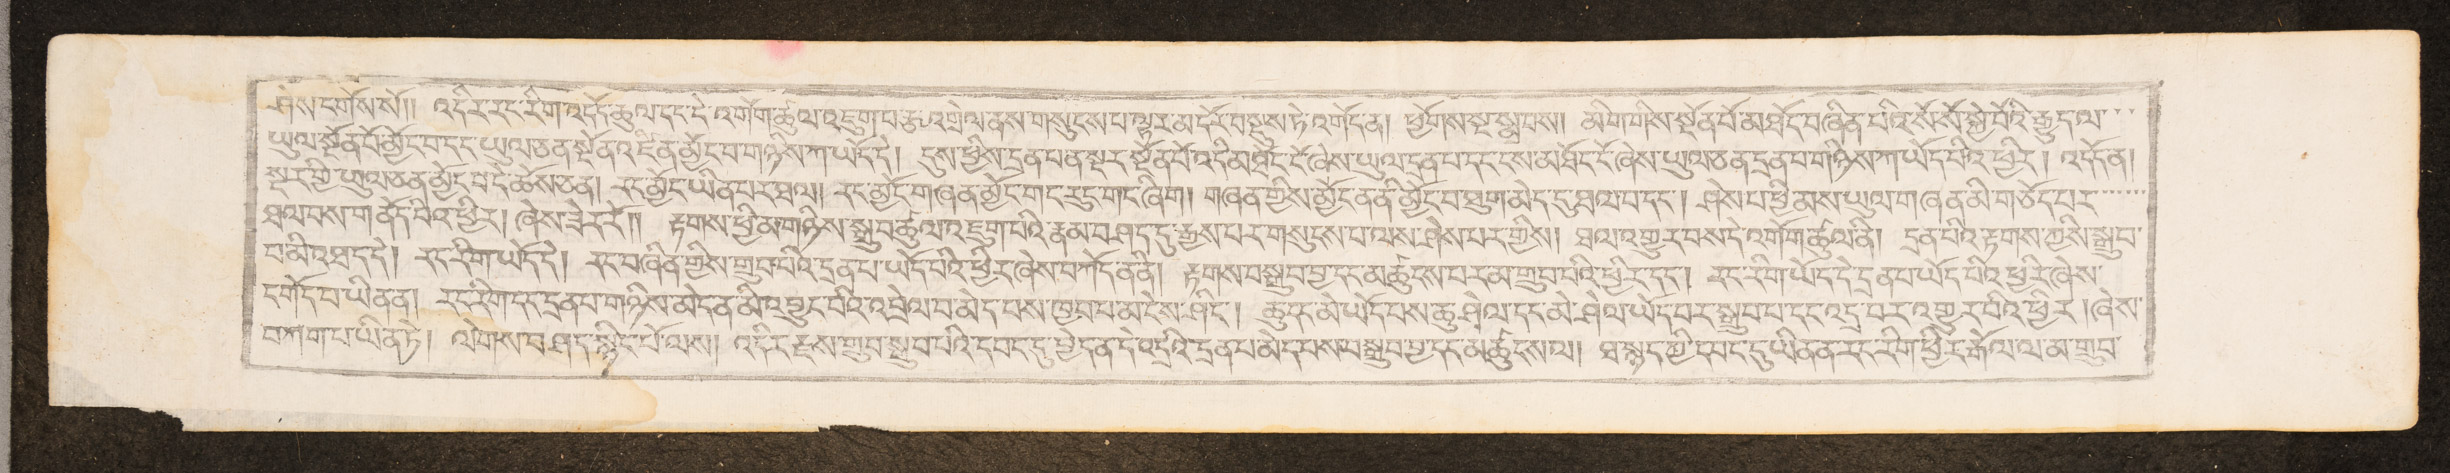ཤེས་དགོས་སོ། །འདིར་རང་རིག་འདོད་ཚུལ་དང་དེ་འགོག་ཚུལ་འཇུག་པ་རྩ་འགྲེལ་ནས་གསུངས་པ་ལྟར་མདོར་བསྡུས་ཏེ་འགོད་ན། ཕྱོགས་སྔ་སྨྲ་བས། མིག་གིས་སྔོན་པོ་མཐོང་བཞིན་པའི་སོ་སོ་སྐྱེ་བོའི་རྒྱུད་ལ་
ཡུལ་སྔོན་པོ་མྱོང་བ་དང་ཡུལ་ཅན་སྔོན་འཛིན་མྱོང་བ་གཉིས་ཀ་ཡོད་དེ། དུས་ཕྱིས་དྲན་པ་ན་སྔར་སྔོན་པོ་འདི་མཐོང་ངོ་ཞེས་ཡུལ་དྲན་པ་དང་ངས་མཐོང་ངོ་ཞེས་ཡུལ་ཅན་དྲན་པ་གཉིས་ཀ་ཡོད་པའི་ཕྱིར། འདོད་ན།
སྔར་གྱི་ཡུལ་ཅན་མྱོང་བ་དེ་ཆོས་ཅན། རང་མྱོང་ཡིན་པར་ཐལ། རང་མྱོང་གཞན་མྱོང་གང་རུང་གང་ཞིག །གཞན་གྱིས་མྱོང་ན་ནི་མྱོང་བ་ཐུག་མེད་དུ་ཐལ་བ་དང་། ཤེས་པ་ཕྱི་མས་ཡུལ་གཞན་མི་གཅོད་པར་
ཐལ་བས་གནོད་པའི་ཕྱིར། ཞེས་ཟེར་རོ། །རྟགས་ཕྱི་མ་གཉིས་སྒྲུབ་ཚུལ་འཇུག་པའི་རྣམ་བཤད་དུ་རྒྱས་པར་གསུངས་པ་ལས་ཤེས་པར་གྱིས། ཐལ་འགྱུར་བས་དེ་འགོག་ཚུལ་ནི། དྲན་པའི་རྟགས་ཀྱིས་སྒྲུབ་
པ་མི་འཐད་དེ། རང་རིག་ཡོད་དེ། རང་བཞིན་གྱིས་གྲུབ་པའི་དྲན་པ་ཡོད་པའི་ཕྱིར་ཞེས་བཀོད་ན་ནི། རྟགས་བསྒྲུབ་བྱ་དང་མཚུངས་པར་མ་གྲུབ་པའི་ཕྱིར་དང་། རང་རིག་ཡོད་དེ་དྲན་པ་ཡོད་པའི་ཕྱིར་ཞེས་
དགོད་པ་ཡིན་ན། རང་རིག་དང་དྲན་པ་གཉིས་མེད་ན་མི་འབྱུང་བའི་འབྲེལ་བ་མེད་པས་ཁྱབ་པ་མ་ངེས་ཤིང་། ཆུ་དང་མེ་ཡོད་པས་ཆུ་ཤེལ་དང་མེ་ཤེལ་ཡོད་པར་སྒྲུབ་པ་དང་འདྲ་བར་འགྱུར་བའི་ཕྱིར། ཞེས་
བཀག་པ་ཡིན་ཏེ། ལེགས་བཤད་སྙིང་པོ་ལས། འདིར་རྫས་གྲུབ་སྒྲུབ་པའི་དབང་དུ་བྱེད་ན་དེ་འདྲའི་དྲན་པ་མེད་པས་བསྒྲུབ་བྱ་དང་མཚུངས་ལ། ཐ་སྙད་ཀྱི་དབང་དུ་ཡིན་ན་རང་རིག་ཕྱིར་རྒོལ་ལ་མ་གྲུབ་